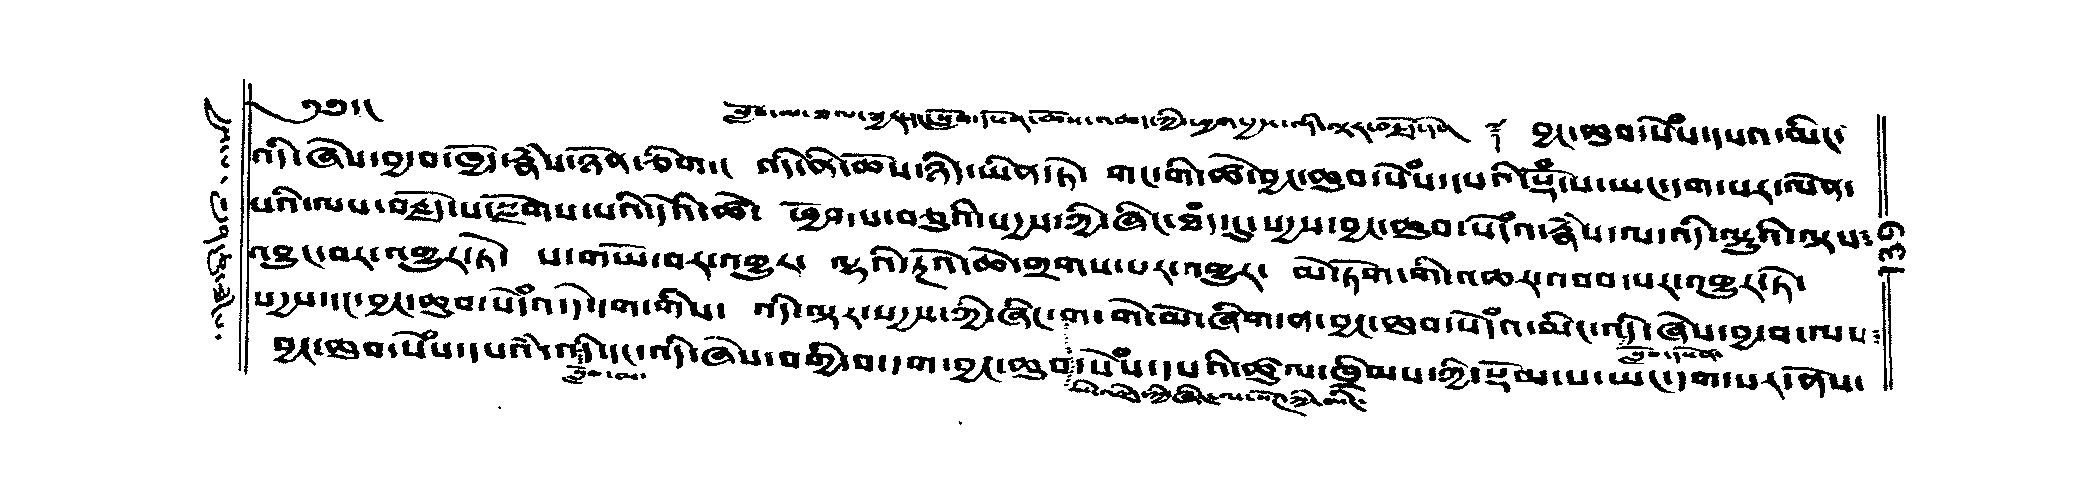སློབ་མ་ཐལ་སྦྱར་དང་སློབ་དཔོན་ཆོས་འཆད་ཀྱི་ཕྱག་རྒྱས་འདི་ལྟར་བརྗོད་དོ། ༈ བྱང་ཆུབ་སེམས་དཔའ་མིང་
འདི་ཞེས་བྱ་བ་ཁྱོད་རྣམས་ཉོན་ཅིག འདི་ནི་ཆོས་ཉིད་ཡིན་ཏེ། གང་གི་ཚེ་བྱང་ཆུབ་སེམས་དཔའའི་སྡོམ་པ་ཡག་དག་པར་ལེན་
པའི་ལས་བརྗོད་པ་རྫོགས་པའི་དེའི་ཚེ། ཕྱོགས་བཅུའི་སངས་རྒྱས་ཀྱི་ཞིང་ཐམས་ཅད་དུ་སངས་རྒྱས་བྱང་ཆུབ་སེམས་དཔའ་རྣམས་ལ་འདི་ལྟ་བུའི་ལྟས་
འབྱུང་བར་འགྱུར་ཏེ། ས་གཡོ་བར་འགྱུར། ལྷའི་རྔའོ་ཆེ་གྲགས་པར་འགྱུར། མེ་ཏོག་གི་འཆར་འབབ་པར་འགྱུར་ཏེ། 
སངས་རྒྱས་དང་བྱང་ཆུབ་སེམས་དཔའ་དེ་དག་གིས། འདི་ལྟར་སངས་རྒྱས་ཀྱི་ཞིང་ག་{ མི་འཇེད་ཀྱི་ཞིང་ལ་སོགས་ཀྱི་མིང་། }གེ་མོ་ཞིག་ན་བྱང་ཆུབ་སེམས་དཔའ་མིང་འདི་{ སློབ་དཔོན། }ཞེས་བྱ་བ་ལས་
བྱང་ཆུབ་སེམས་དཔའམ་འདི་{ སློབ་མ། }དང་འདི་ཞེས་བགྱི་བ་དག་བྱང་ཆུབ་སེམས་དཔའི་ཚུལ་ཁྲིམས་ཀྱི་སྡོམ་པ་ཡང་དག་པར་ནོས་